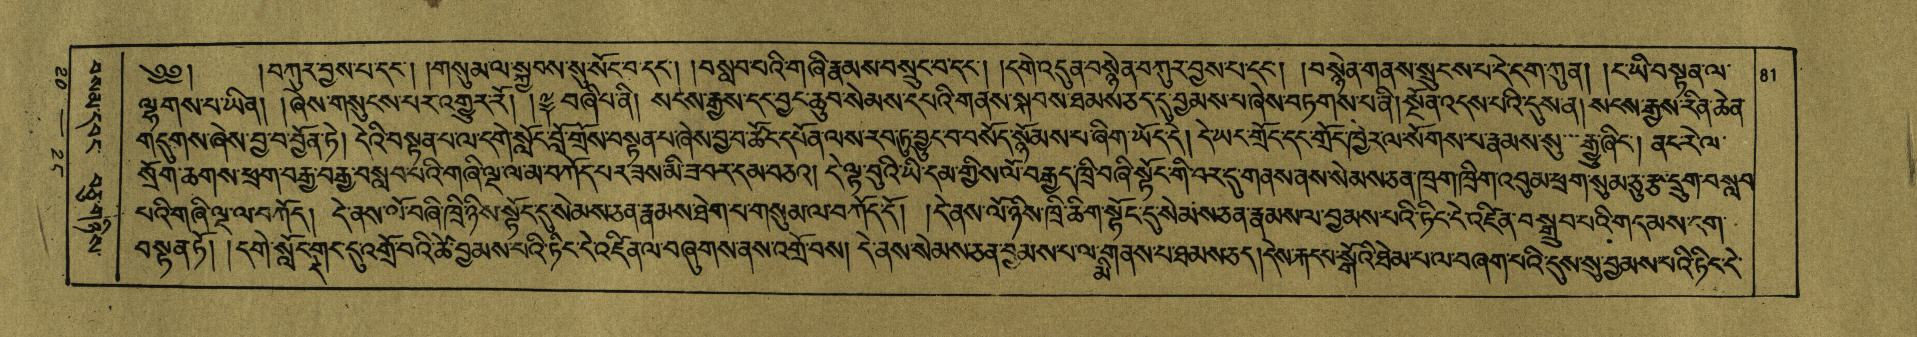༄༅། །བཀུར་བྱས་པ་དང་། །གསུམ་ལ་སྐྱབས་སུ་སོང་བ་དང་། །བསླབ་པའི་གཞི་རྣམས་བསྲུང་བ་དང་། །དགེ་འདུན་བསྙེན་བཀུར་བྱས་པ་དང་། །བསྙེན་གནས་སྲུངས་པ་དེ་དག་ཀུན། །ང་ཡི་བསྟན་ལ་
ལྷགས་པ་ཡིན། །ཞེས་གསུངས་པར་འགྱུར་རོ། །༈ བཞི་པ་ནི། སངས་རྒྱས་དང་བྱང་ཆུབ་སེམས་དཔའི་གནས་སྐབས་ཐམས་ཅད་དུ་བྱམས་པ་ཞེས་བཏགས་པ་ནི། སྔོན་འདས་པའི་དུས་ན། སངས་རྒྱས་རིན་ཆེན་
གདུགས་ཞེས་བྱ་བ་བྱོན་ཏེ། དེའི་བསྟན་པ་ལ་དགེ་སློང་བློ་གྲོས་བསྟན་པ་ཞེས་བྱ་བ་ཚོང་དཔོན་ལས་རབ་ཏུ་བྱུང་བ་བསོད་སྙོམས་པ་ཞིག་ཡོད་དེ། དེ་ཡང་གྲོང་དང་གྲོང་ཁྱེར་ལ་སོགས་པ་རྣམས་སུ་རྒྱུ་ཞིང་། ནང་རེ་ལ་
སྲོག་ཆགས་ཕྲག་བརྒྱ་བརྒྱ་བསླབ་པའི་གཞི་ལྔ་ལ་མ་བཀོད་པར་ཟས་མི་ཟ་བར་དམ་བཅའ། དེ་ལྟ་བུའི་ཡི་དམ་གྱིས་ལོ་བརྒྱད་ཁྲི་བཞི་སྟོང་གི་བར་དུ་གནས་ནས་སེམས་ཅན་ཁྲག་ཁྲིག་འབུམ་ཕྲག་སུམ་ཅུ་རྩ་དྲུག་བསླབ་
པའི་གཞི་ལྔ་ལ་བཀོད། དེ་ནས་ལོ་བཞི་ཁྲི་ཉིས་སྟོང་དུ་སེམས་ཅན་རྣམས་ཐེག་པ་གསུམ་ལ་བཀོད་དོ། །དེ་ནས་ལོ་ཉིས་ཁྲི་ཆིག་སྟོང་དུ་སེམས་ཅན་རྣམས་ལ་བྱམས་པའི་ཏིང་ངེ་འཛིན་བསྒྲུབ་པའི་གདམས་ངག་
བསྟན་ཏོ། །དགེ་སློང་དེ་གང་དུ་འགྲོ་བའི་ཚེ་བྱམས་པའི་ཏིང་ངེ་འཛིན་ལ་བཞུགས་ནས་འགྲོ་བས། དེ་ནས་སེམས་ཅན་བྱམས་པ་ལ་མི་གནས་པ་ཐམས་ཅད། དེས་རྐང་པ་སྒོའི་ཐེམ་པ་ལ་བཞག་པའི་དུས་སུ་བྱམས་པའི་ཏིང་ངེ་